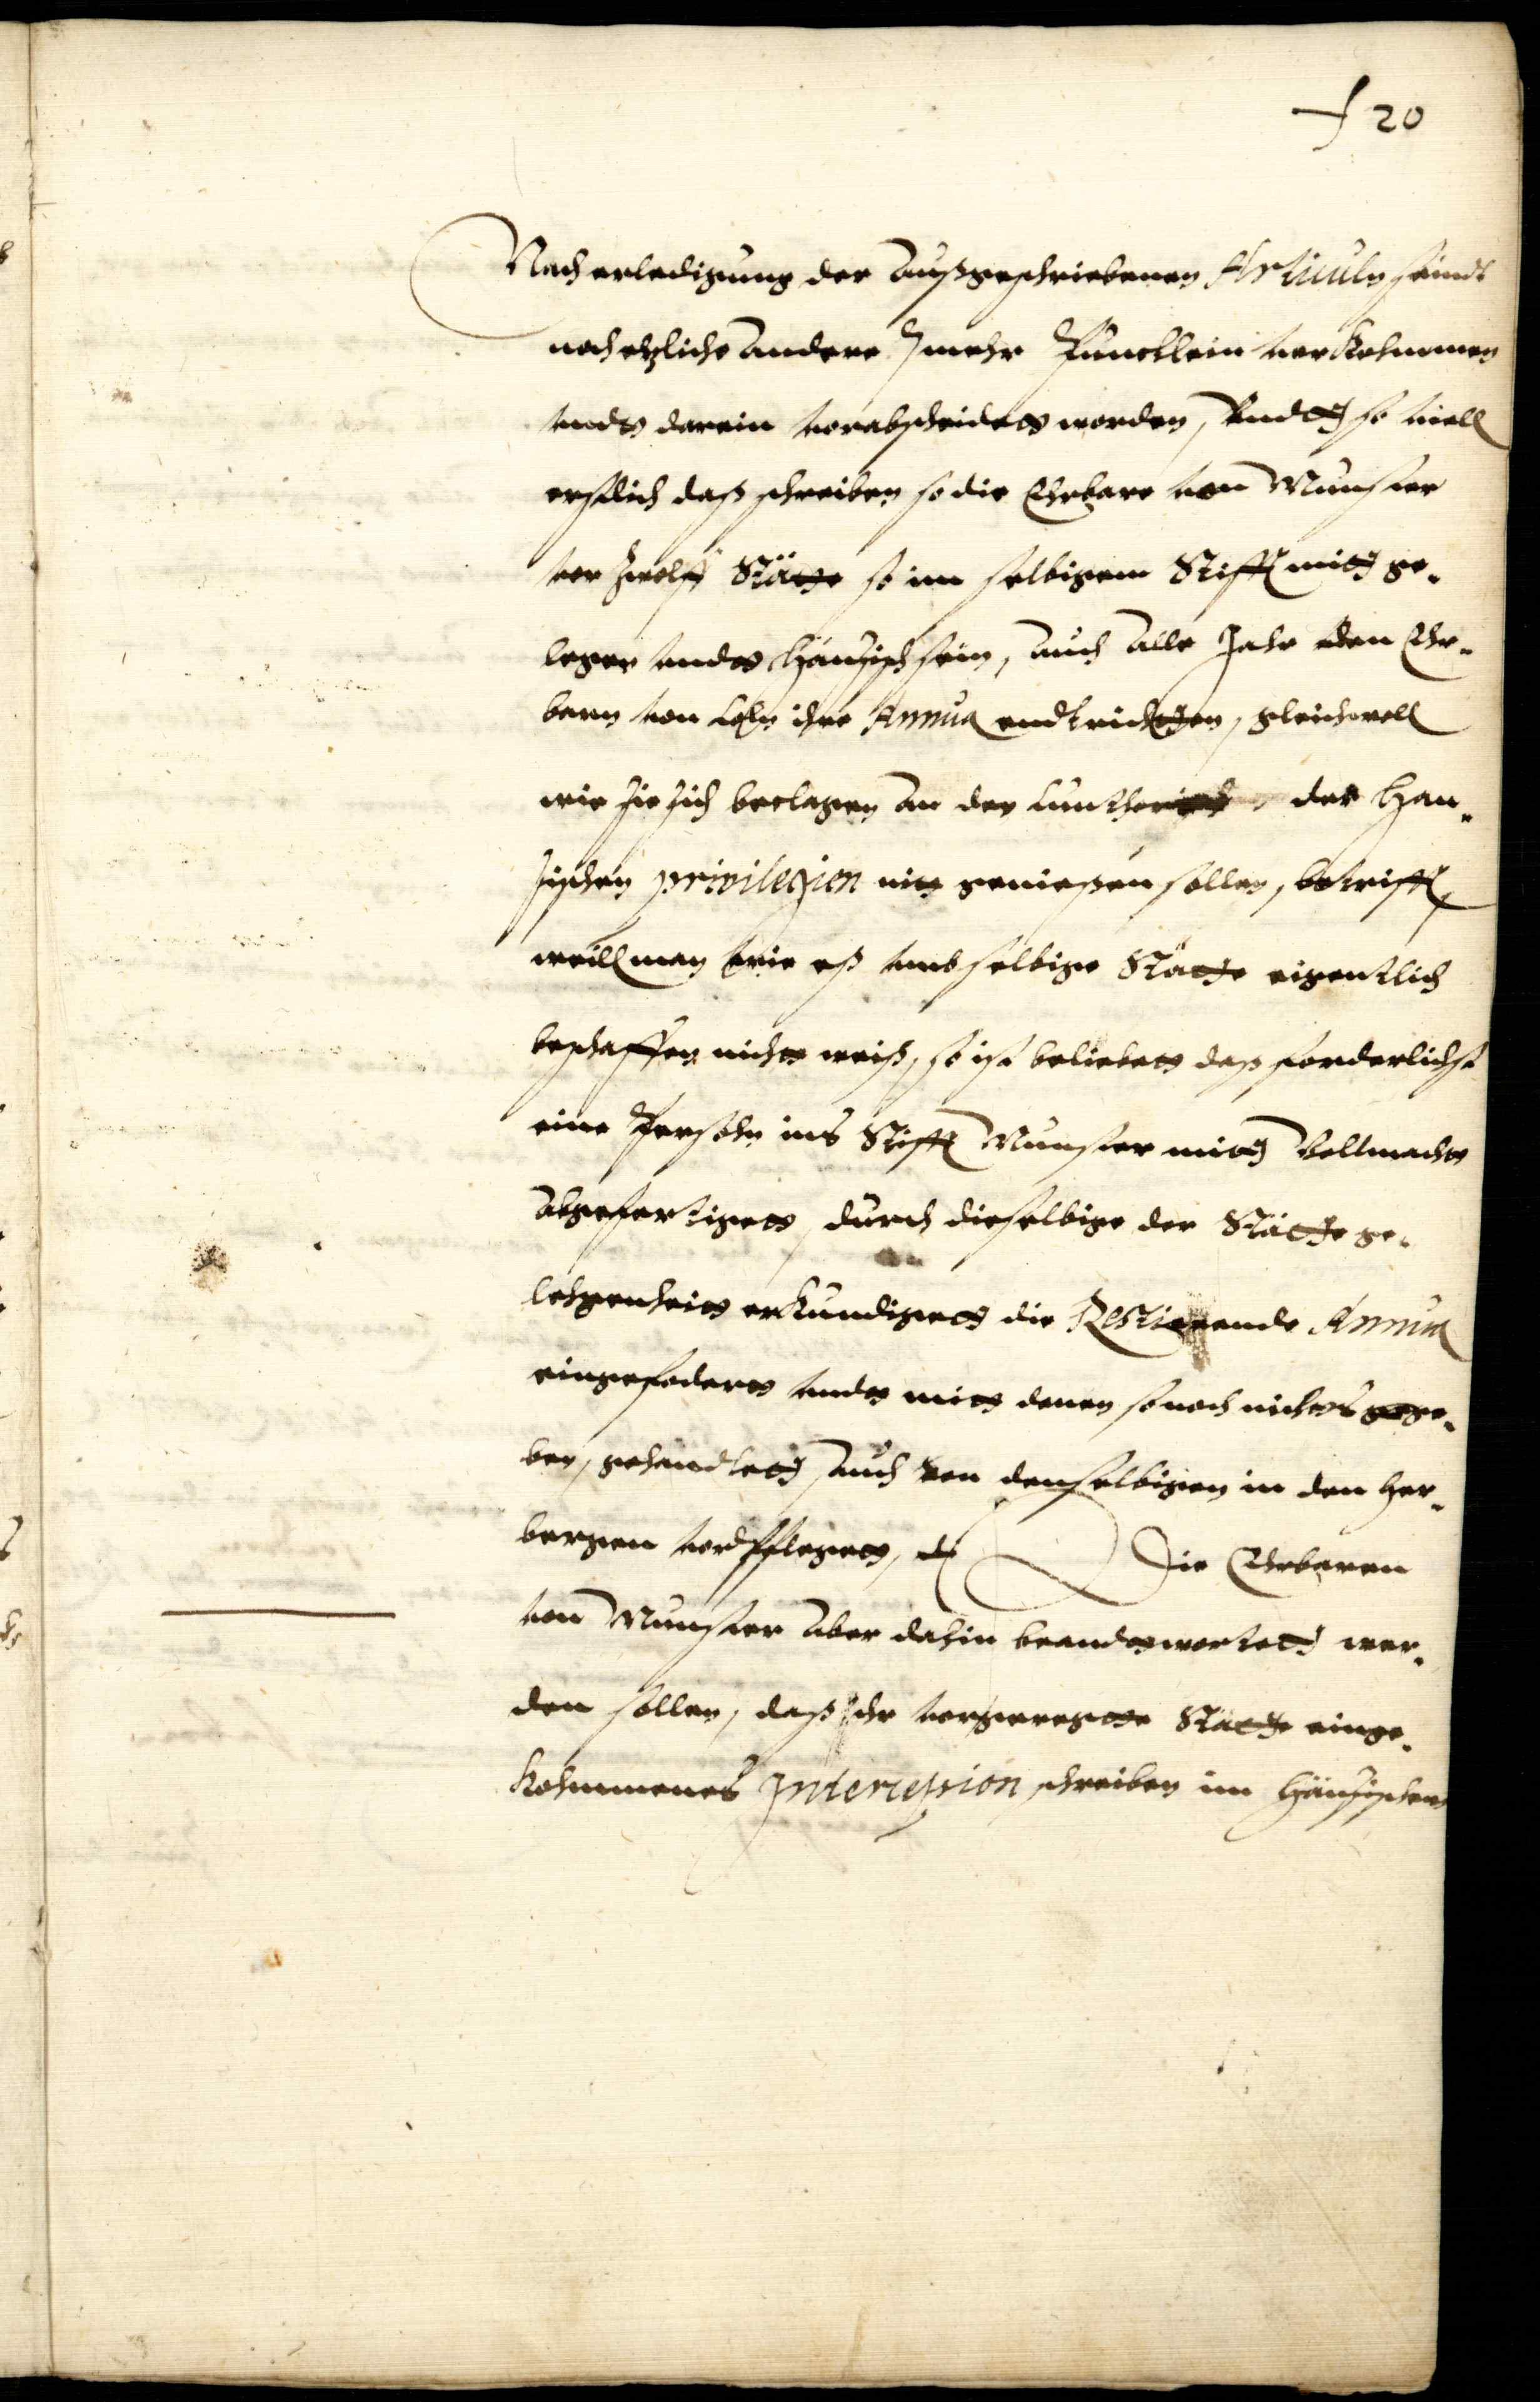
f 20
Nach erledigung der Außgeschriebenen Articuln seindt
noch etzliche Andere Pmehr Punctlein vorkohmmen
vndtt darein verabscheidett worden, Vndtt so viell
erstlich daß schreiben so die Ehrbare von Munster
vor zwolff Stätte so im selbigem Stifft mitt ge¬
legen vndtt Hänsisch sein, Auch Alle Jahr den Ehr¬
barn von Coln ihre Annua endtrichtten, gleichwoll
wie sie sich beclagen An den Cunthorisch, der Han¬
sischen privilegien nitt genießen sollen, betrifft,
weill man wie eß vmb selbige Stätte eigentlich
beschaffen nichtt weiß, so ist beliebett daß forderlichst
eine Persohn ins Stifft Munster mitt Vollmacht
Abgefertigett durch dieselbige der Stätte ge¬
lehgenheitt erkundigett die Restierende Annua
eingefordertt vndtt mitt denen so noch nichtts gege¬
ben, gehandlett, Auch von denselbigen in den her¬
bergen vorpflegett, di Die Ehrbaren
von Munster Aber dahin beandttwortett wer¬
den sollen, daß ihr vorgeregtte Stätte einge¬
kohmmenes Intercession schreiben im Hänsischen
